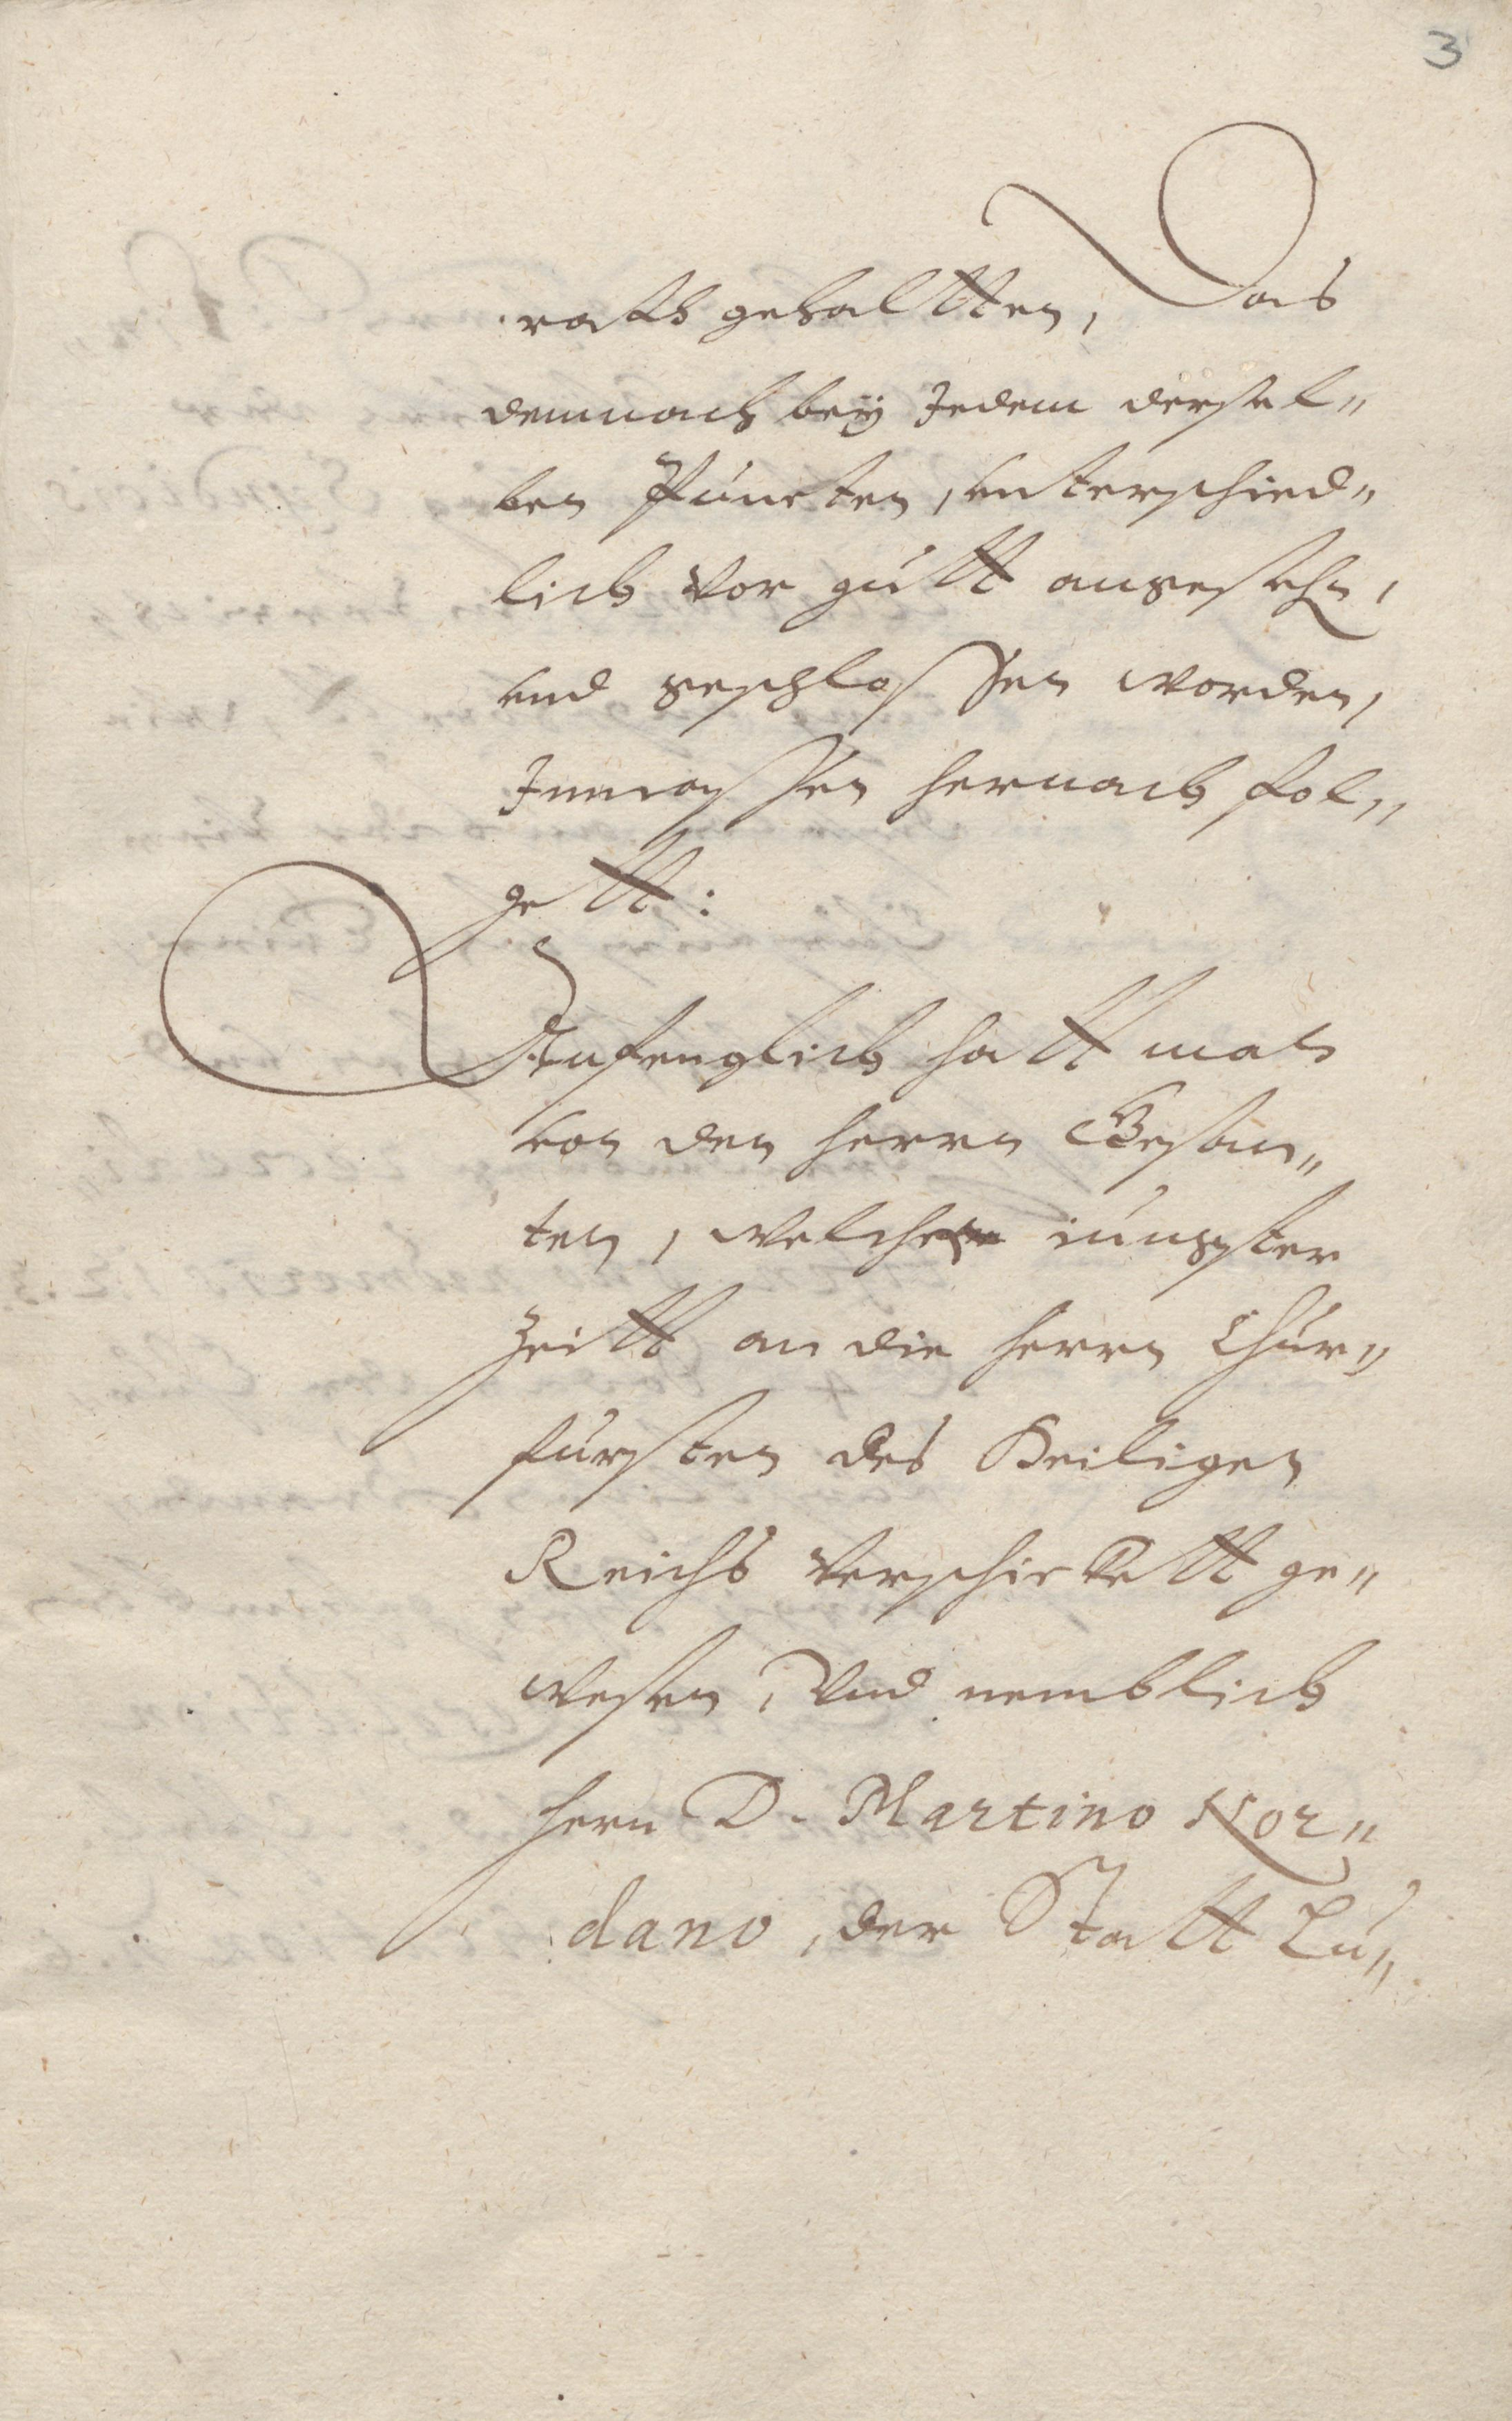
rath gehaltten, Das
demnach beij jedem dersel¬
ben Puncten, vnterschied¬
lich vor gutt angesehen
vnd geschlosen worden,
Inmaßen hernach fol¬
gett:
Anfenglich hatt man
von den herrn Gesan¬
ten, welcher iungster
zeitt an die herrn Chur¬
fursten des Heiligen
Reichs verschickett ge¬
wesen, vnd nemblich
hern D. Martino Nor¬
dano, der Statt Lu¬
